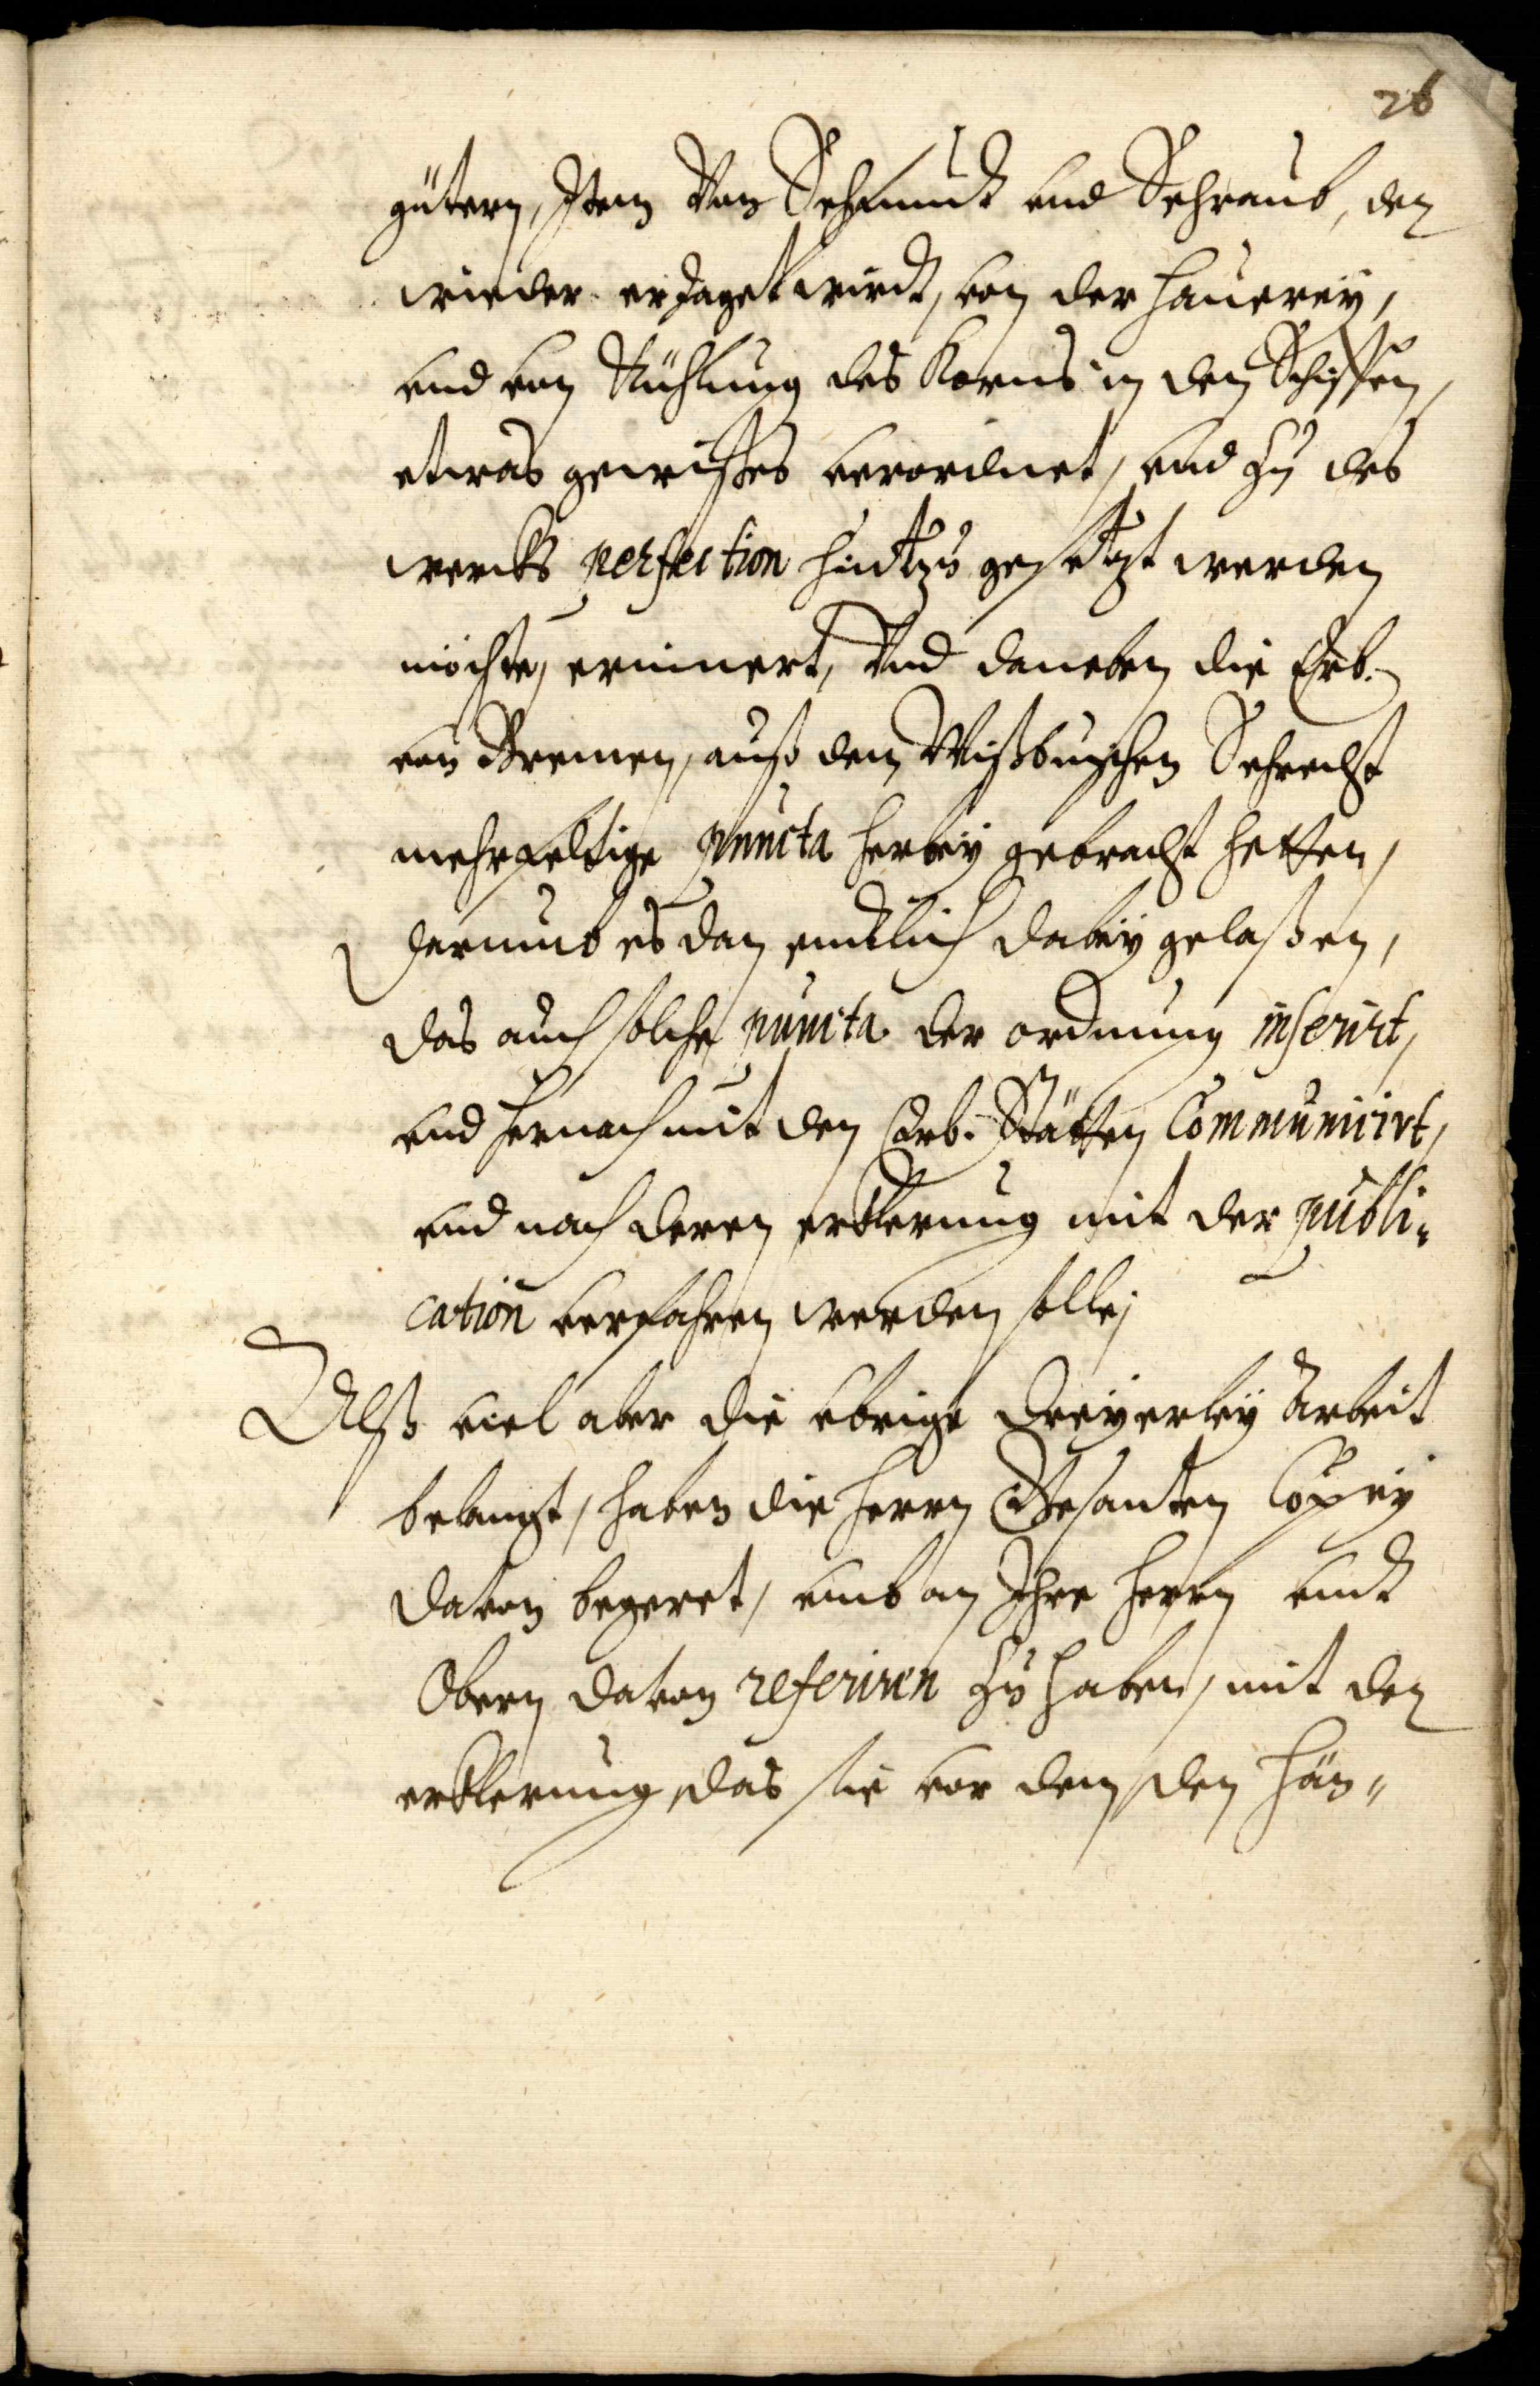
26
gütern, Item Von Sehfundt vnd Sehraub, den
wieder erjaget wirdt, von der hauereij,
vnd von Kühlung des korns in den Schiffen,
etwas gewißes verordnet, vnd zu des
wercks perfection hintzu gesetzt werden
möchte, erinnert, Vnd daneben die Erb.
von Bremen, auß dem Wißbuschen Sehrecht
mehrfeltige puncta herbeij gebracht hetten,
Darumb es dan endtlich dabeij gelaßen,
das auch solche puncta der ordnung inserirt,
vnd hernach mit den Erb. Stätten Communicirt,
vnd nach deren erklerung mit der publi¬
cation verfahren werden solle;
Alß viel aber die vbrige dreijerleij Arbeit
belangt, haben die herrn Gesanten Copeij
davon begeret, vmb an Ihre Herrn vndt
Obern davon referiren zu haben, mit deren
erklerung, das sie vor dem den Hän¬
